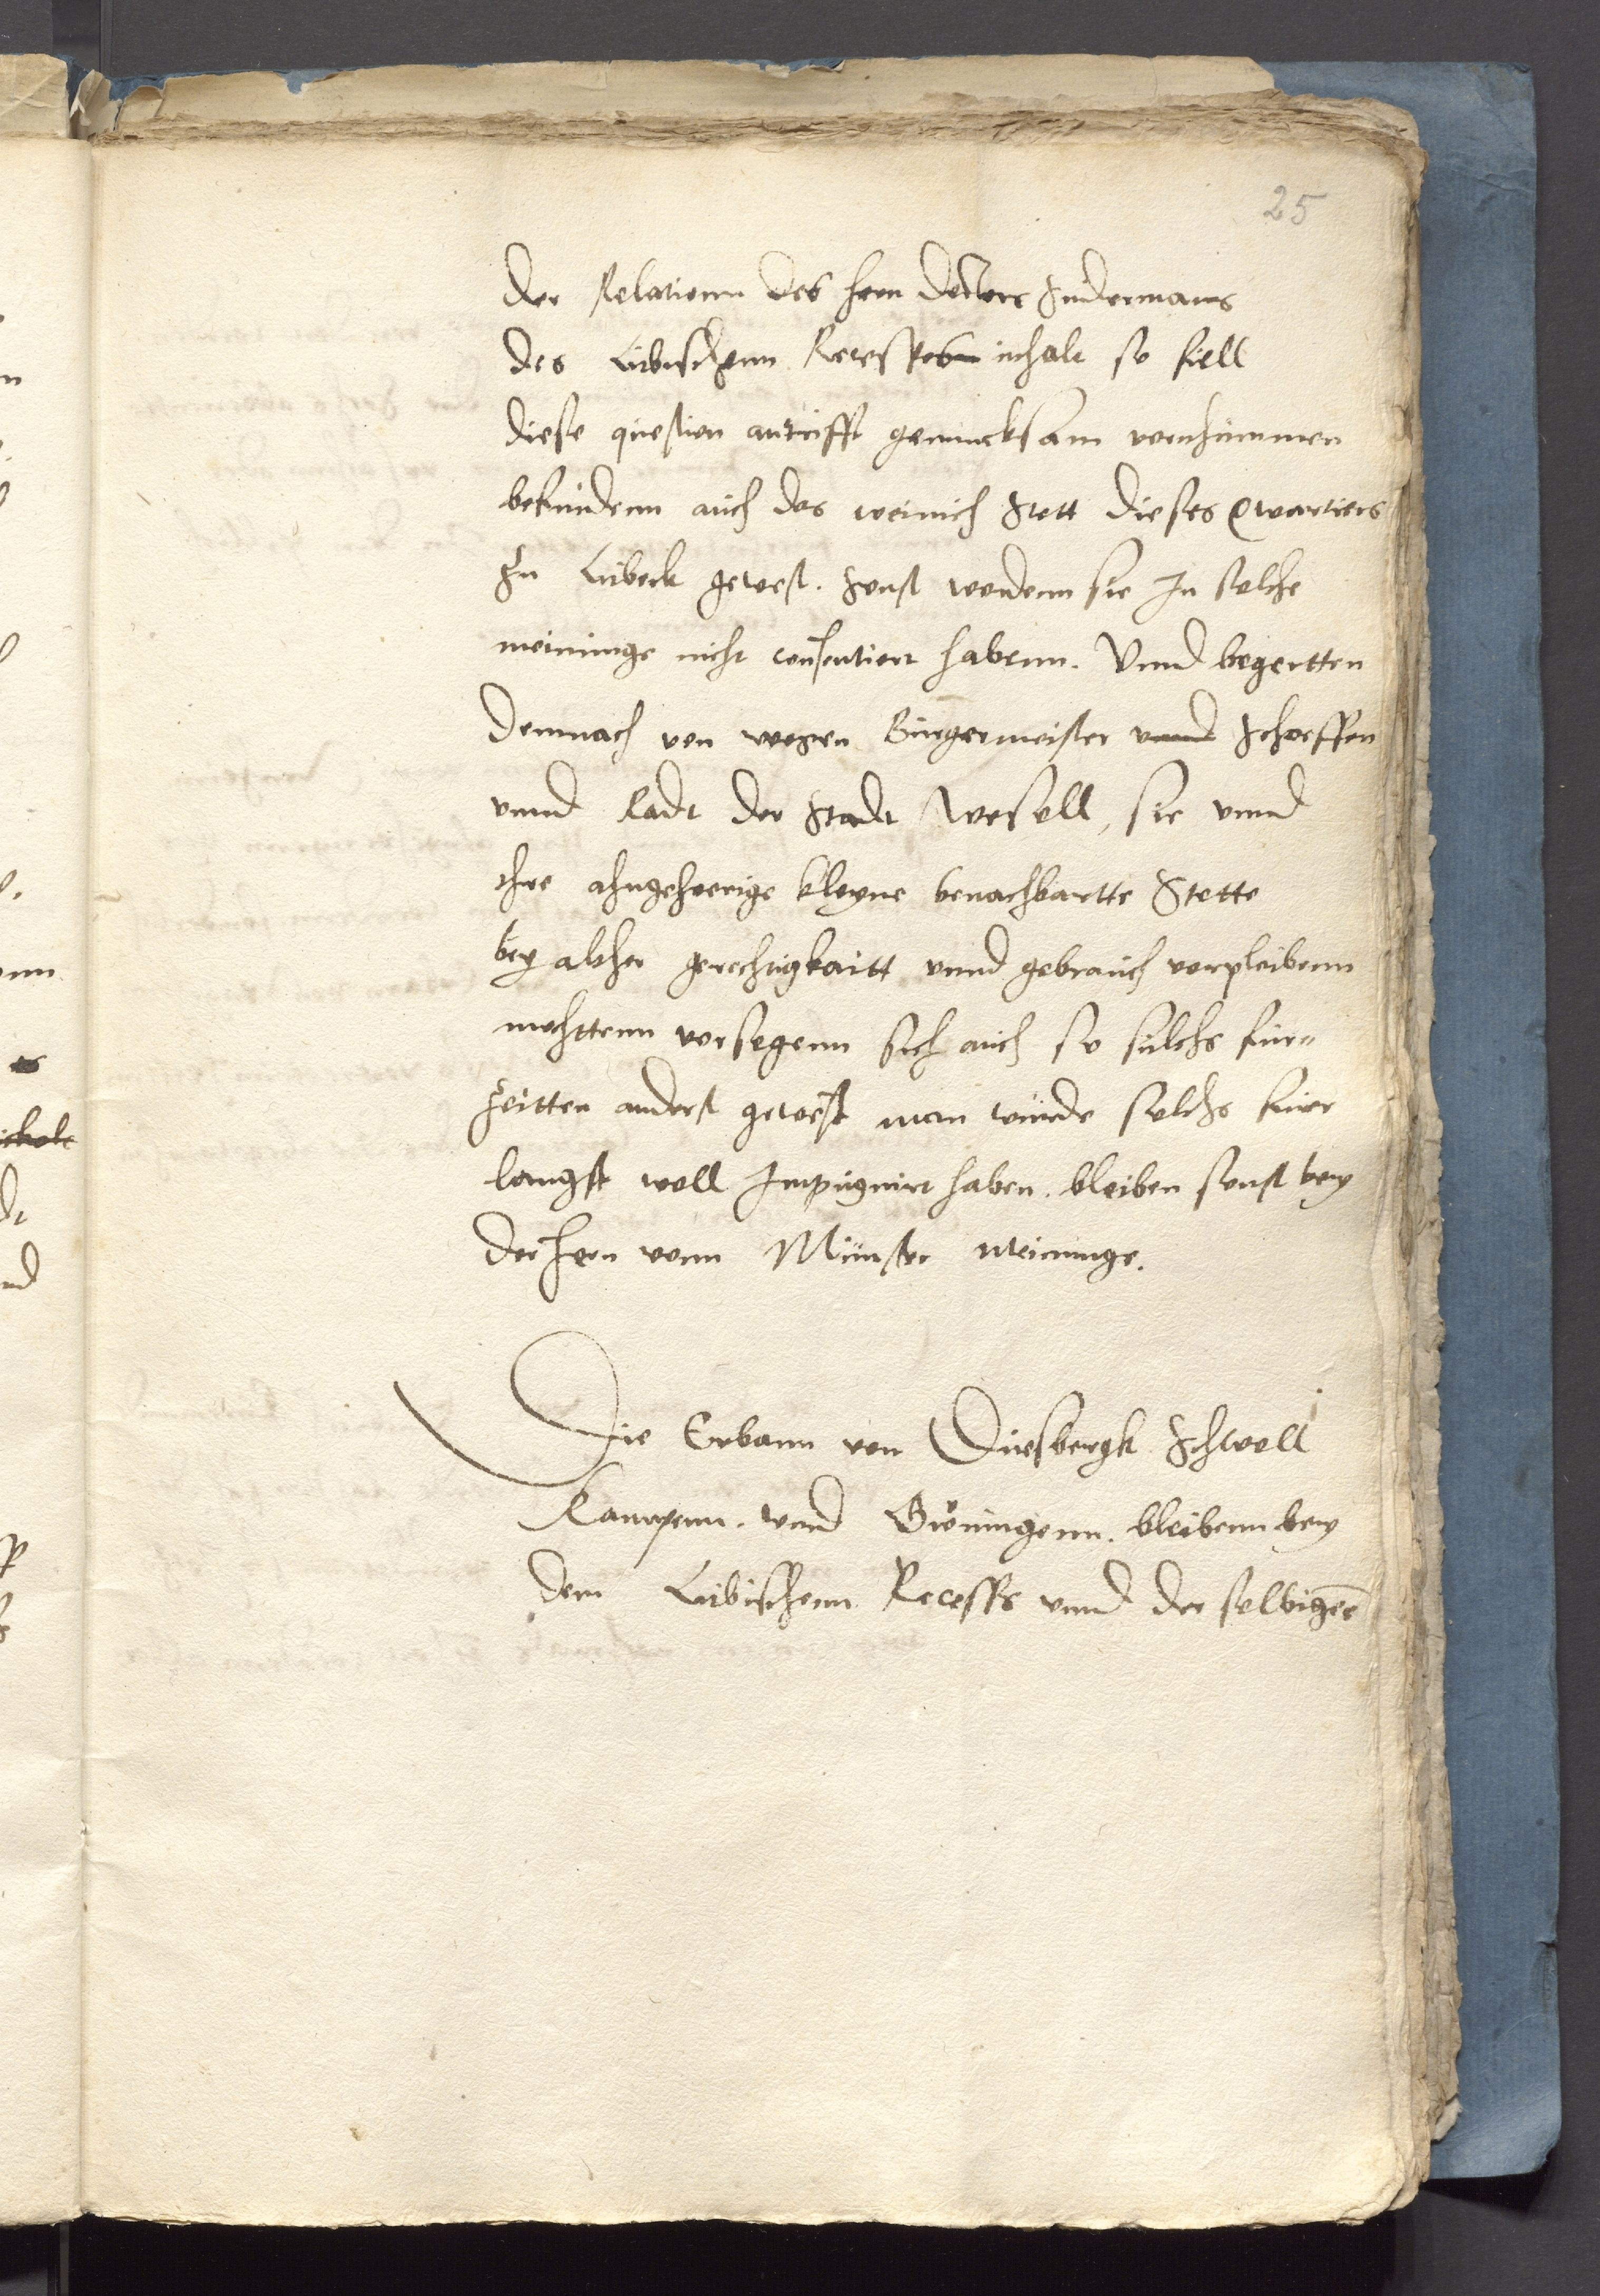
25
der Relationn des hern Doctor Sudermans
des Lubeschenn Recessenn inhalt so fiell
diese question antrifft genuncksam vornhummen
befundenn auch das weinich Stett dieses Qwartiers
zu Lubeck gewest. Sonst wordenn sie Jn solche
meinunge nicht consentiert habenn, vnnd begertten
demnach von wegen Burgermeister vnnd Schoeffen
vnnd Radt der Stadt Wesell, sie vnnd
ihre ahngehoerige kleyne benachbarrtte Stette
bey alther gerechtigkaitt vnnd gebrauch vorpleibenn
mochttenn vorsegenn sich auch so sulchs fur¬
zeitten anderst gewest man wurde solchs fuer
langst woll Impigeir haben bleiben sonst bey
der hern vonn Munster Meinunge
Die Erbarn von Dusbergk Schwell
Kampen vnnd Groningenn bleibenn bey
dem Lubischenn Recesse vnnd der selbigen
